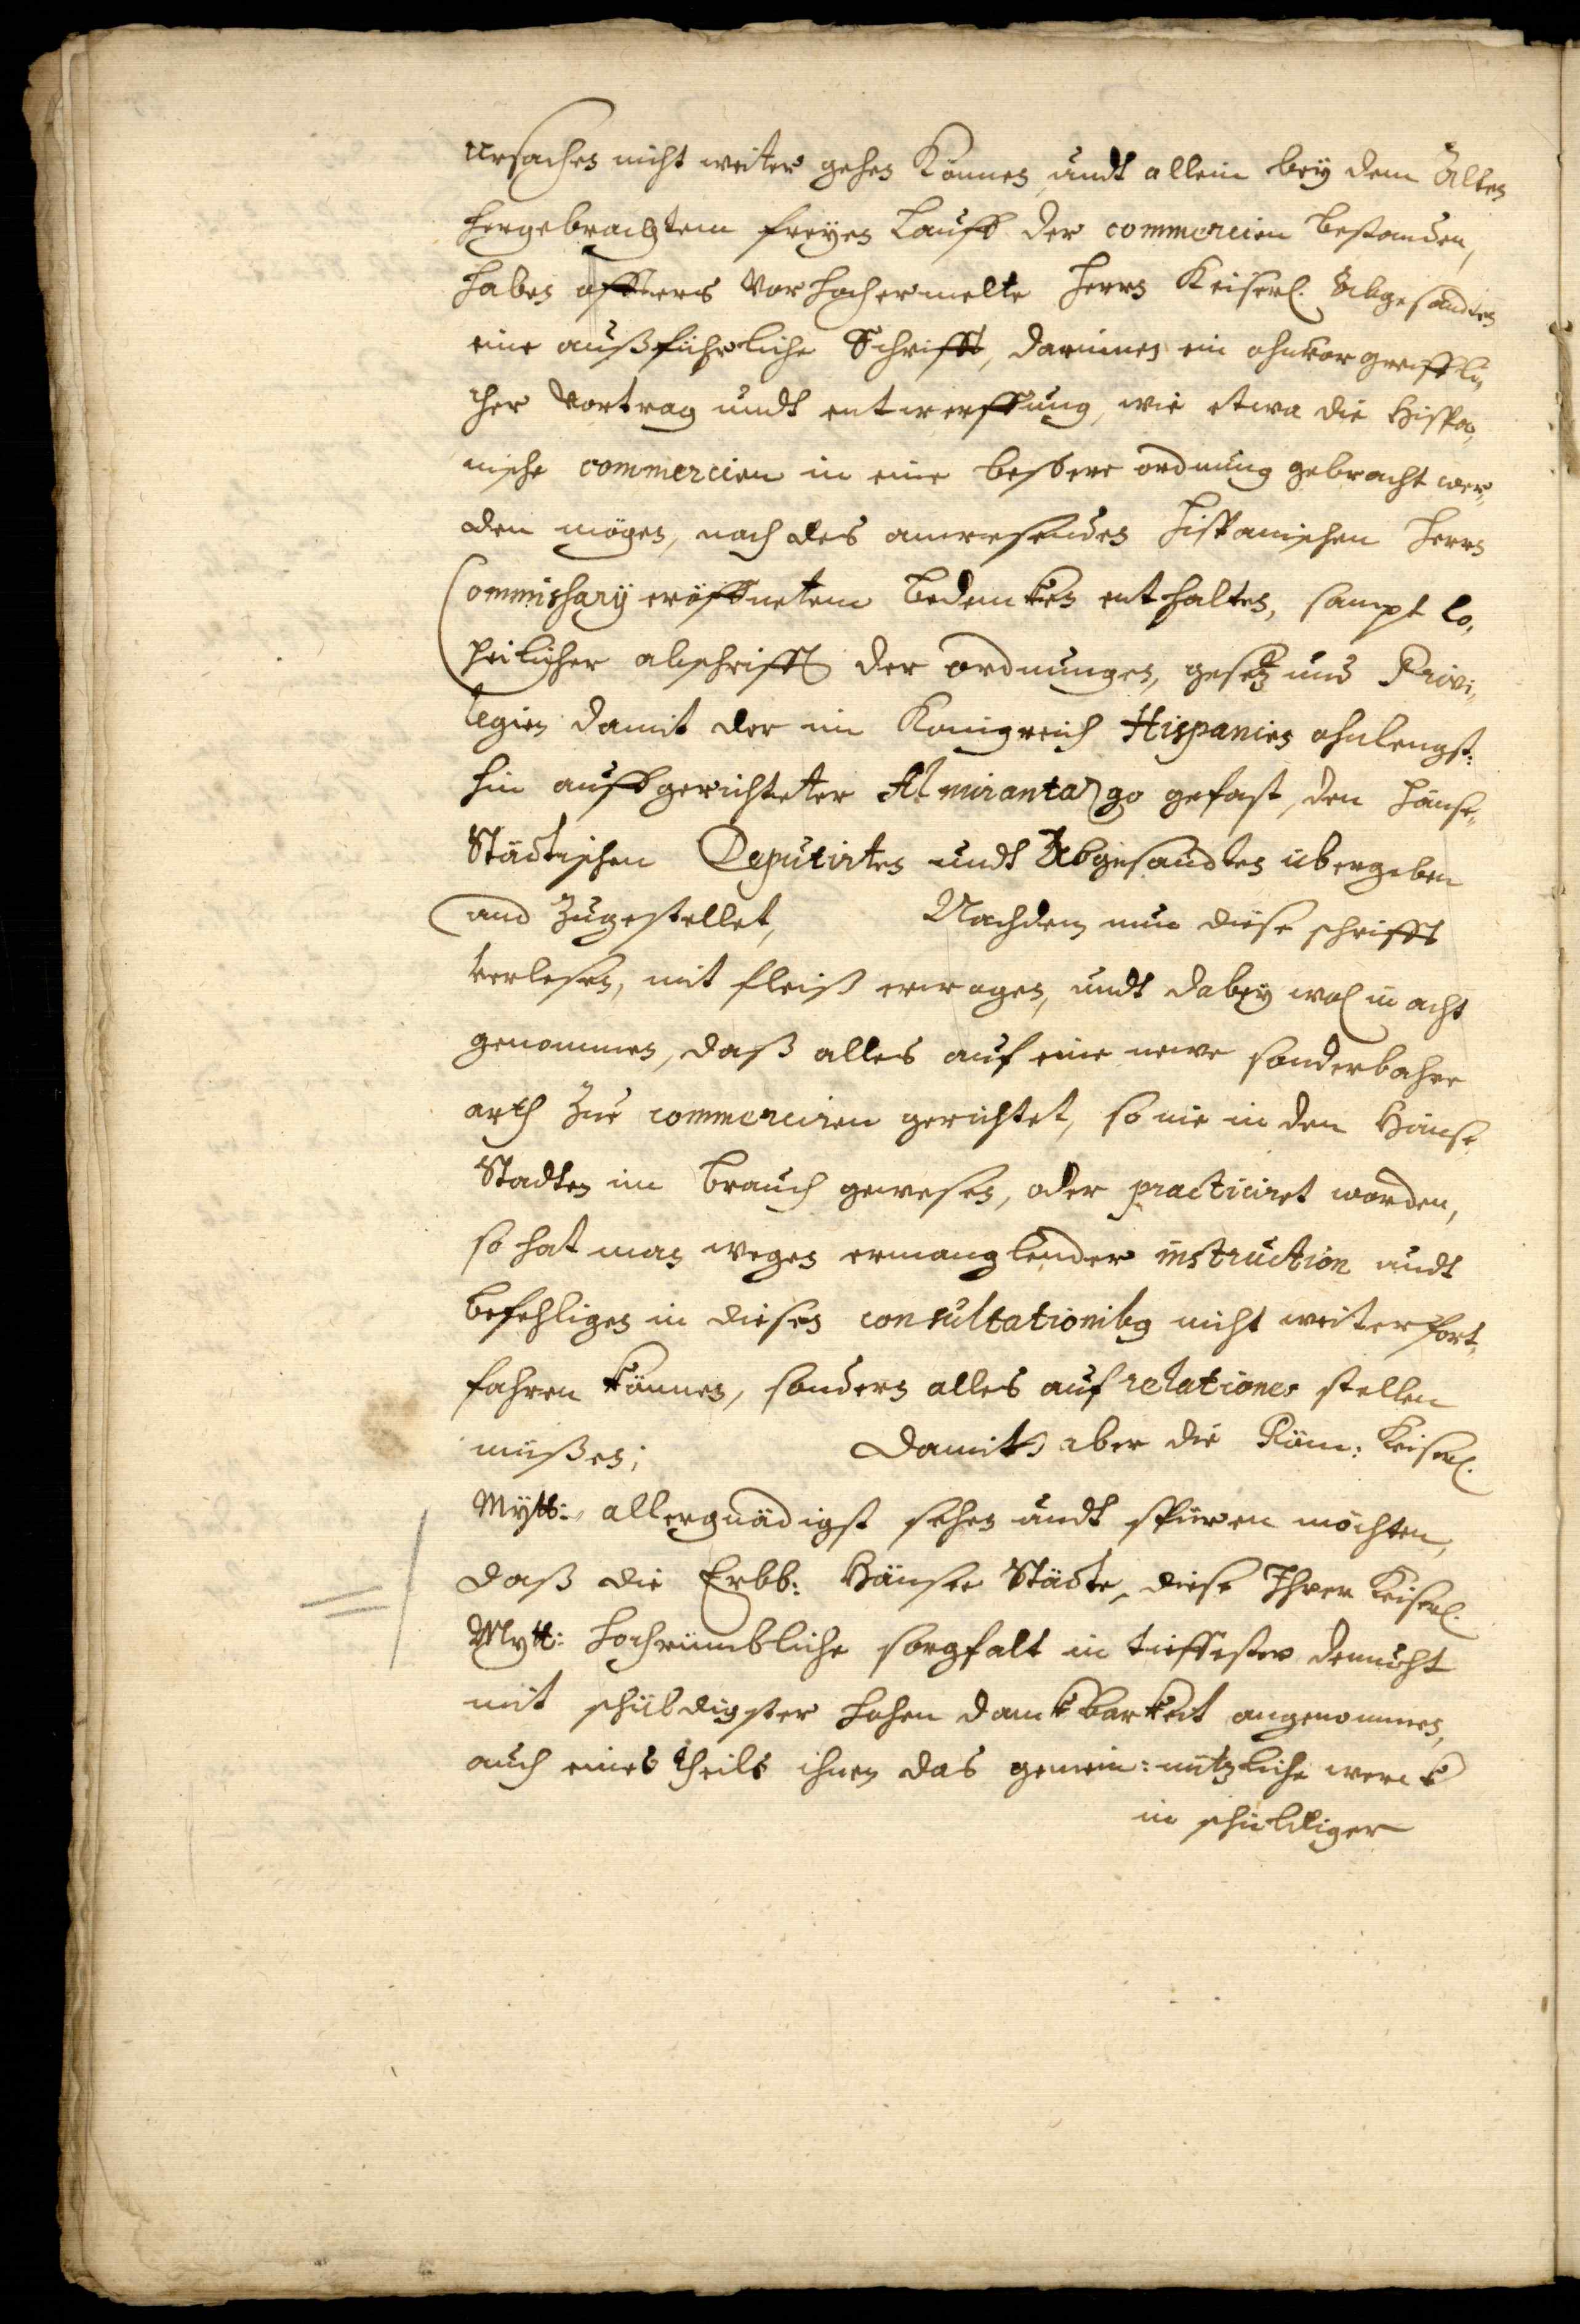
Ursachen nicht weiter gehen können, undt allein beij dem Allen
hergebrachtem freijen Lauff der commercien bestanden,
haben offters vorhochermelte herrn keiserl. abgesandten
eine außführliche Schrifft, darinnen ein ohnvorgreiffli¬
cher Vortrag undt entwerffung, wie etwa die Hispa¬
nische commercien in eine bessere ordnung gebracht wer¬
den mögen, nach des anwesenden hispanischen herrn
Commissarij eröffnetem bedencken enthalten, sampt Co¬
peilicher abschrifft der ordnungen, gesetz undt Privi¬
legien damit der im Konigreich Hispanien ohnlengst¬
hin auffgerichteter Almirantazgo gefast, den hänse¬
Städtischen Deputirten undt Abgesandten übergeben
und zugestellt, Nachdem nun diese schrifft
verlesen, mit fleiß erwogen, undt dabeij wol in acht
genommen, daß alles auf eine newe sonderbahre
arth zue commerciren gerichtet, so nie in den Hänse
Stadten im brauch gewesen, oder practiciret worden,
so hat man wegen ermanglender instruction undt
befehligen in diesen consultationibus nicht weiter fort¬
fahren können, sondern alles auf relationes stellen
müssen; damit aber die Röm: Keiserl.
Mijtt: allergnädigst sehen undt spüren möchten,
daß die Erbb: Hänsee Städte, diese Ihren Keiserl.
Mytt: hochrümbliche sorgfalt in tieffister demueht
mit schüldigster hohen danckbarkeit angenommen,
auch eines theils ihnen das gemein: nützliche werck
in schüldiger
